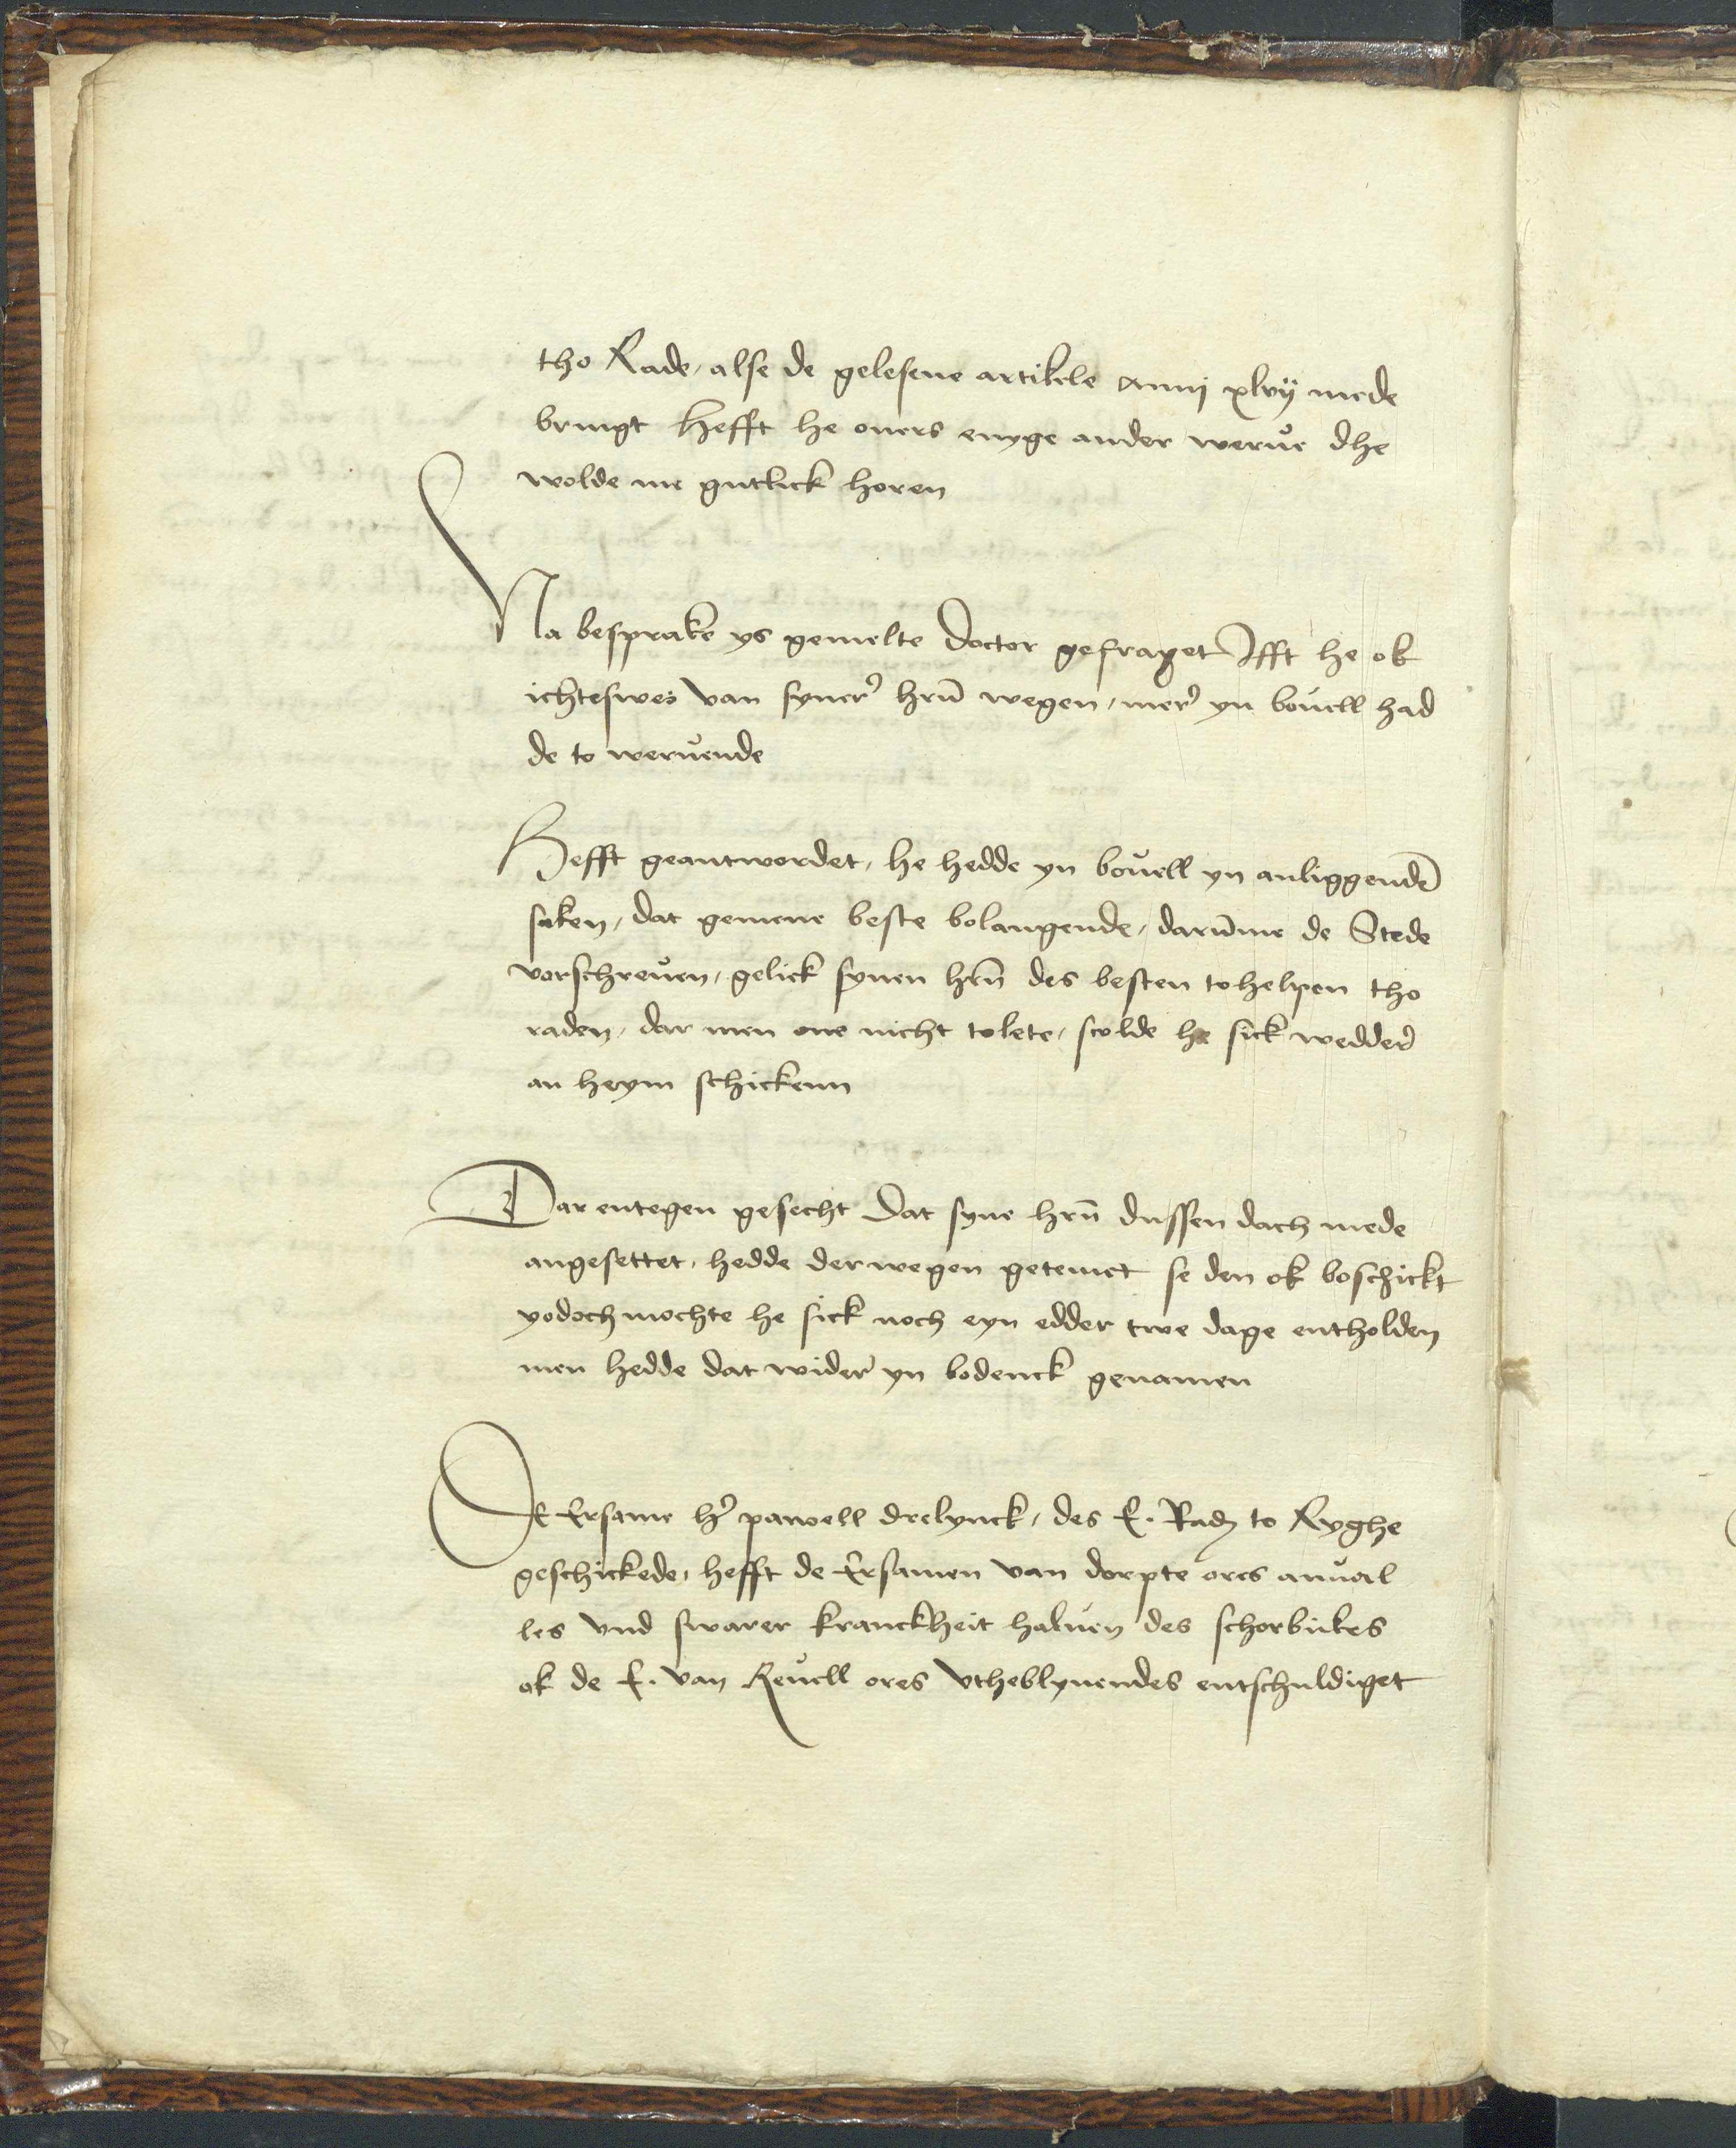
tho Rade, alse de gelesene artikele Annj xlvij mede
bringt hefft he overs enyge ander werue dhe
wolde me gutlick horen
Na besprake ys gemelte Doctor gefraget Jfft he ok
ichteswes van syner hern wegen mer yn bouell had
de to weruende
Hefft geantwordet, he hedde yn bouell yn anliggenden
saken, dat gemeine beste bolangende, darumme de Stede
vorschreuen, gelick synen hern des besten to helpen tho
raden, dar men one nicht tolete, scolde he sick wedder
an heym schickennn
Dar entegen gesecht dat syne hern dussen dach mede
angesettet, hedde derwegen getemet se den ok boschickt
yodoch mochte he sick noch eyn edder twe dage entholden
men hedde dat wider yn bodenck genamen
De Ersame Her pawell drelynck, des E. Rad to Ryghe
geschickede, hefft de Ersamen van dorpte ores anual¬
les vnd swarer kranckheit haluen des schorbukes
ok de E. van Reuell ores vtheblyuendes entschuldiget
